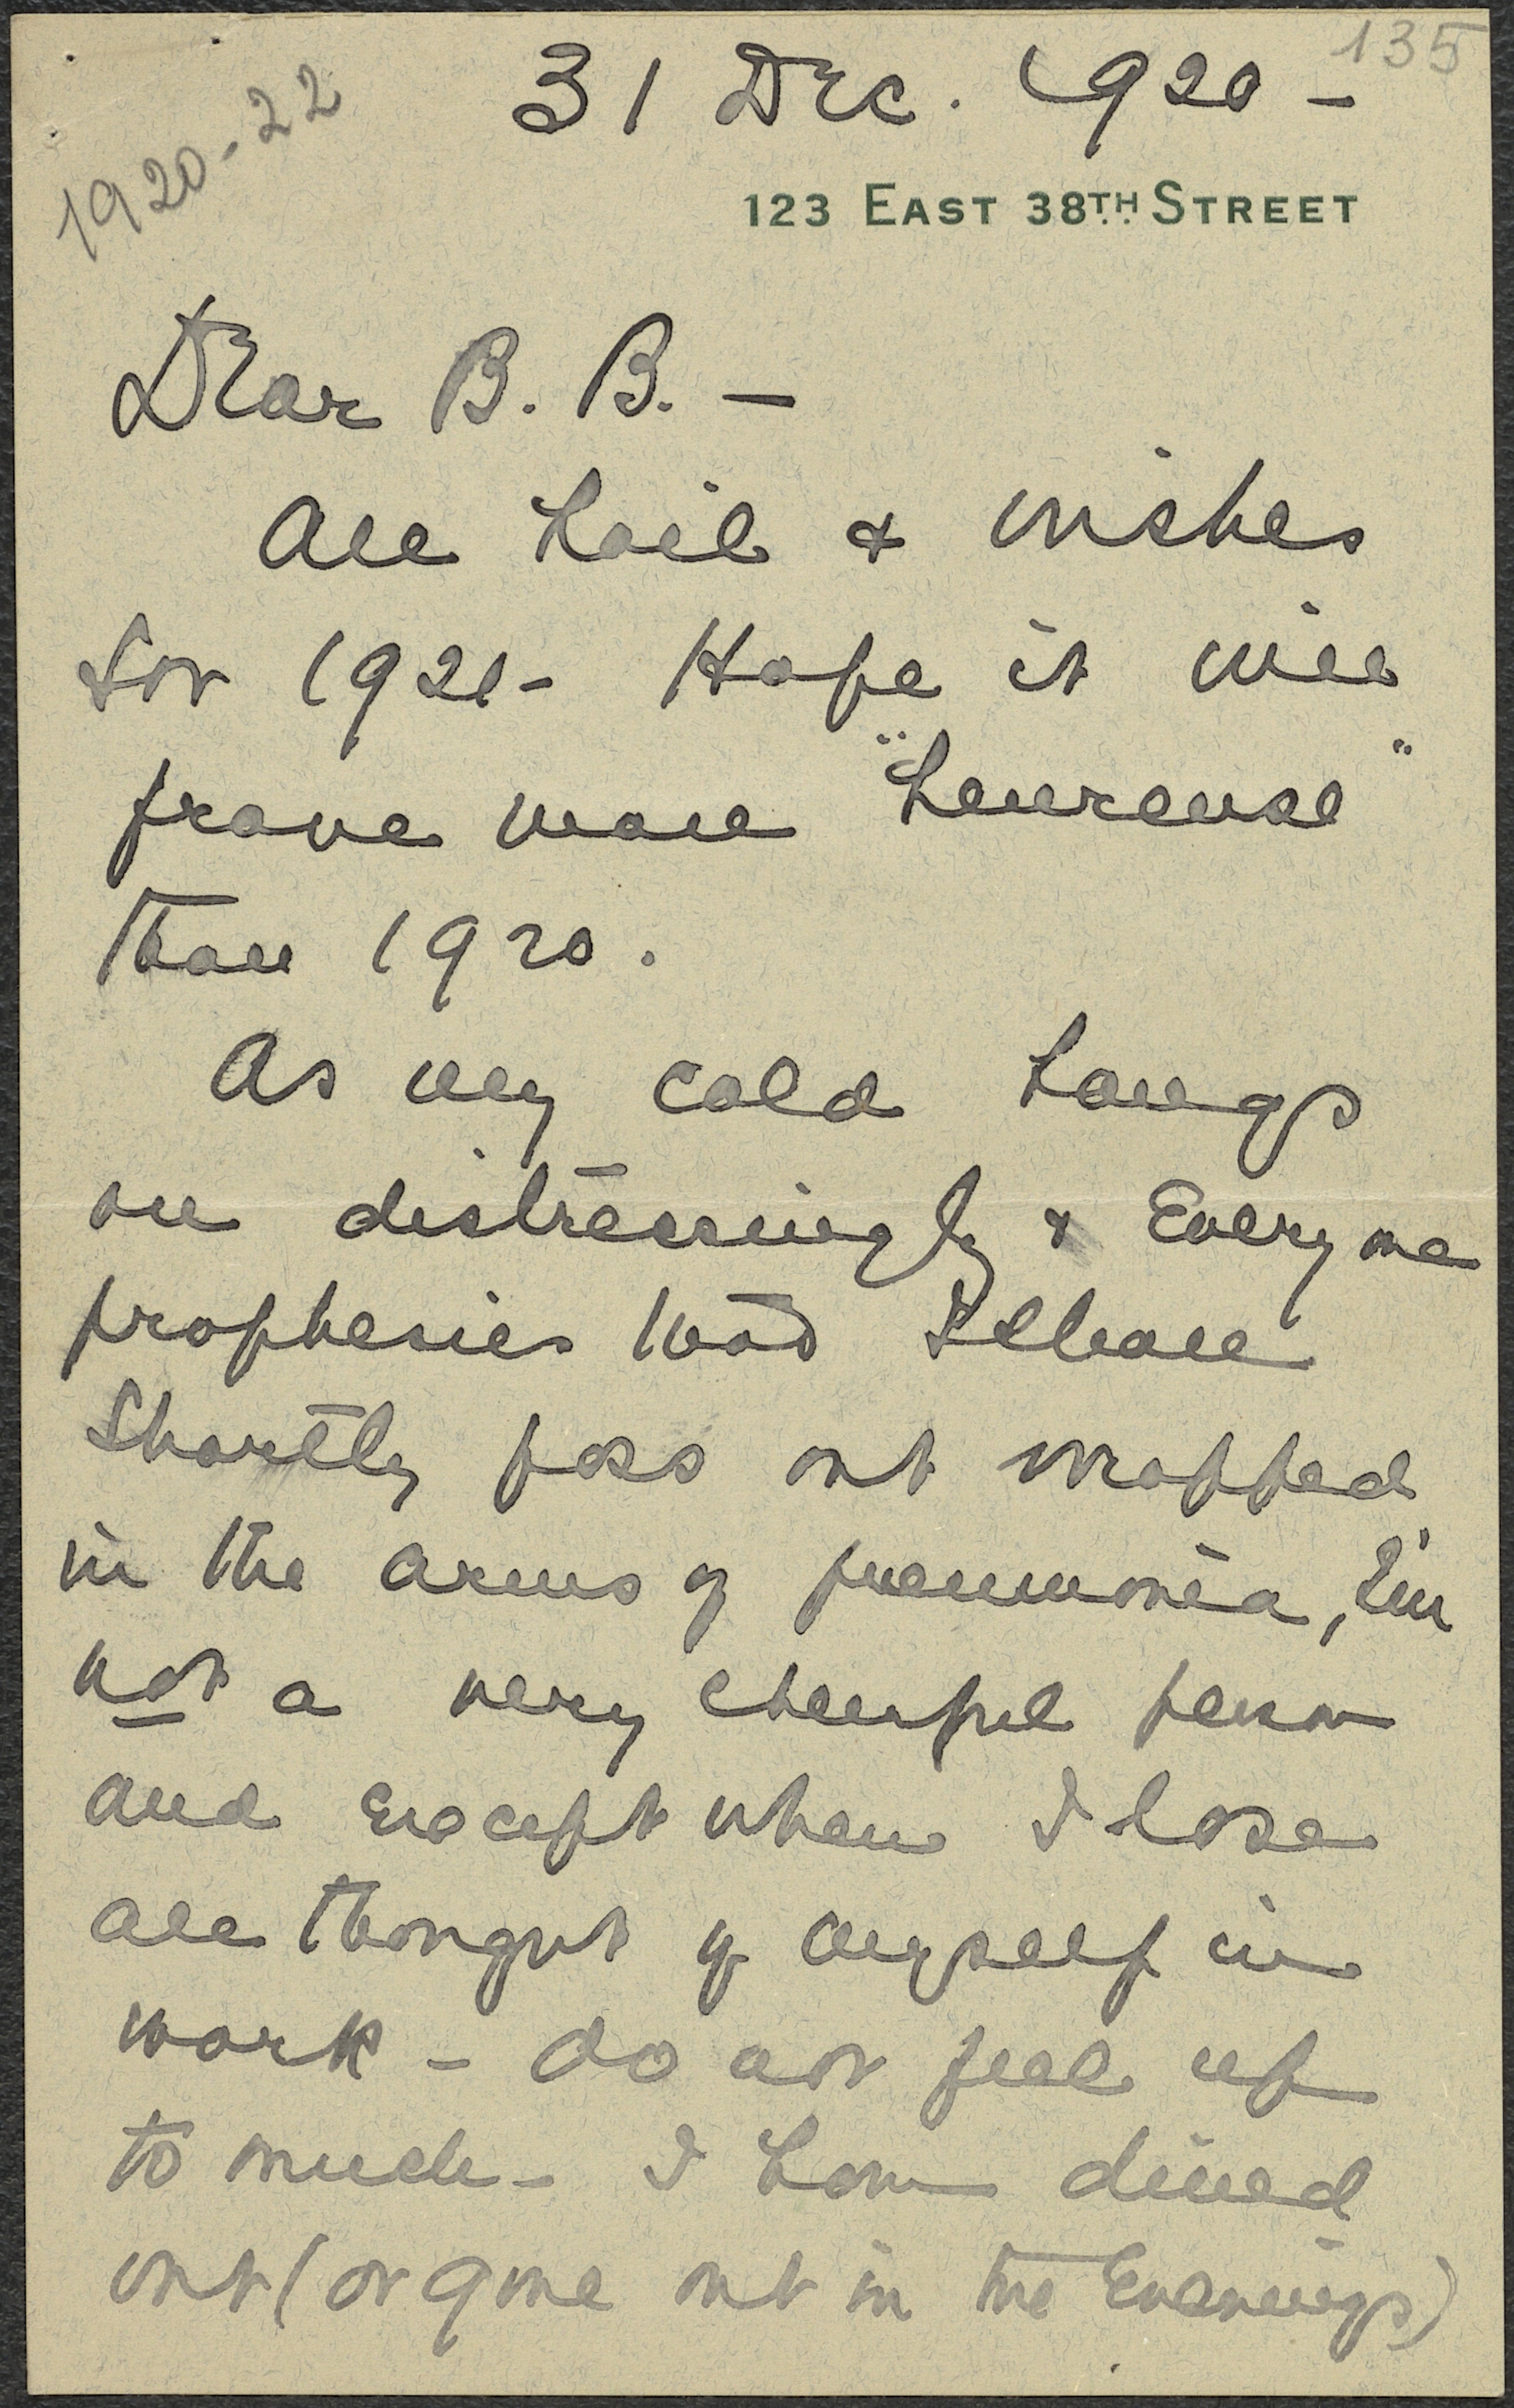31 Dec. 1920 –
Dear B.B. –
All hail & wishes for 1921 – Hope it will prove more "heureuse" than 1920.
As my cold hangs on distressingly & everyone prophesies that I shall shortly pass out wrapped in the arms of pneumonia, I'm not a very cheerful person and except when I lose all thought of myself in work – do not feel up to much – I have dined out (or gone out in the evenings)